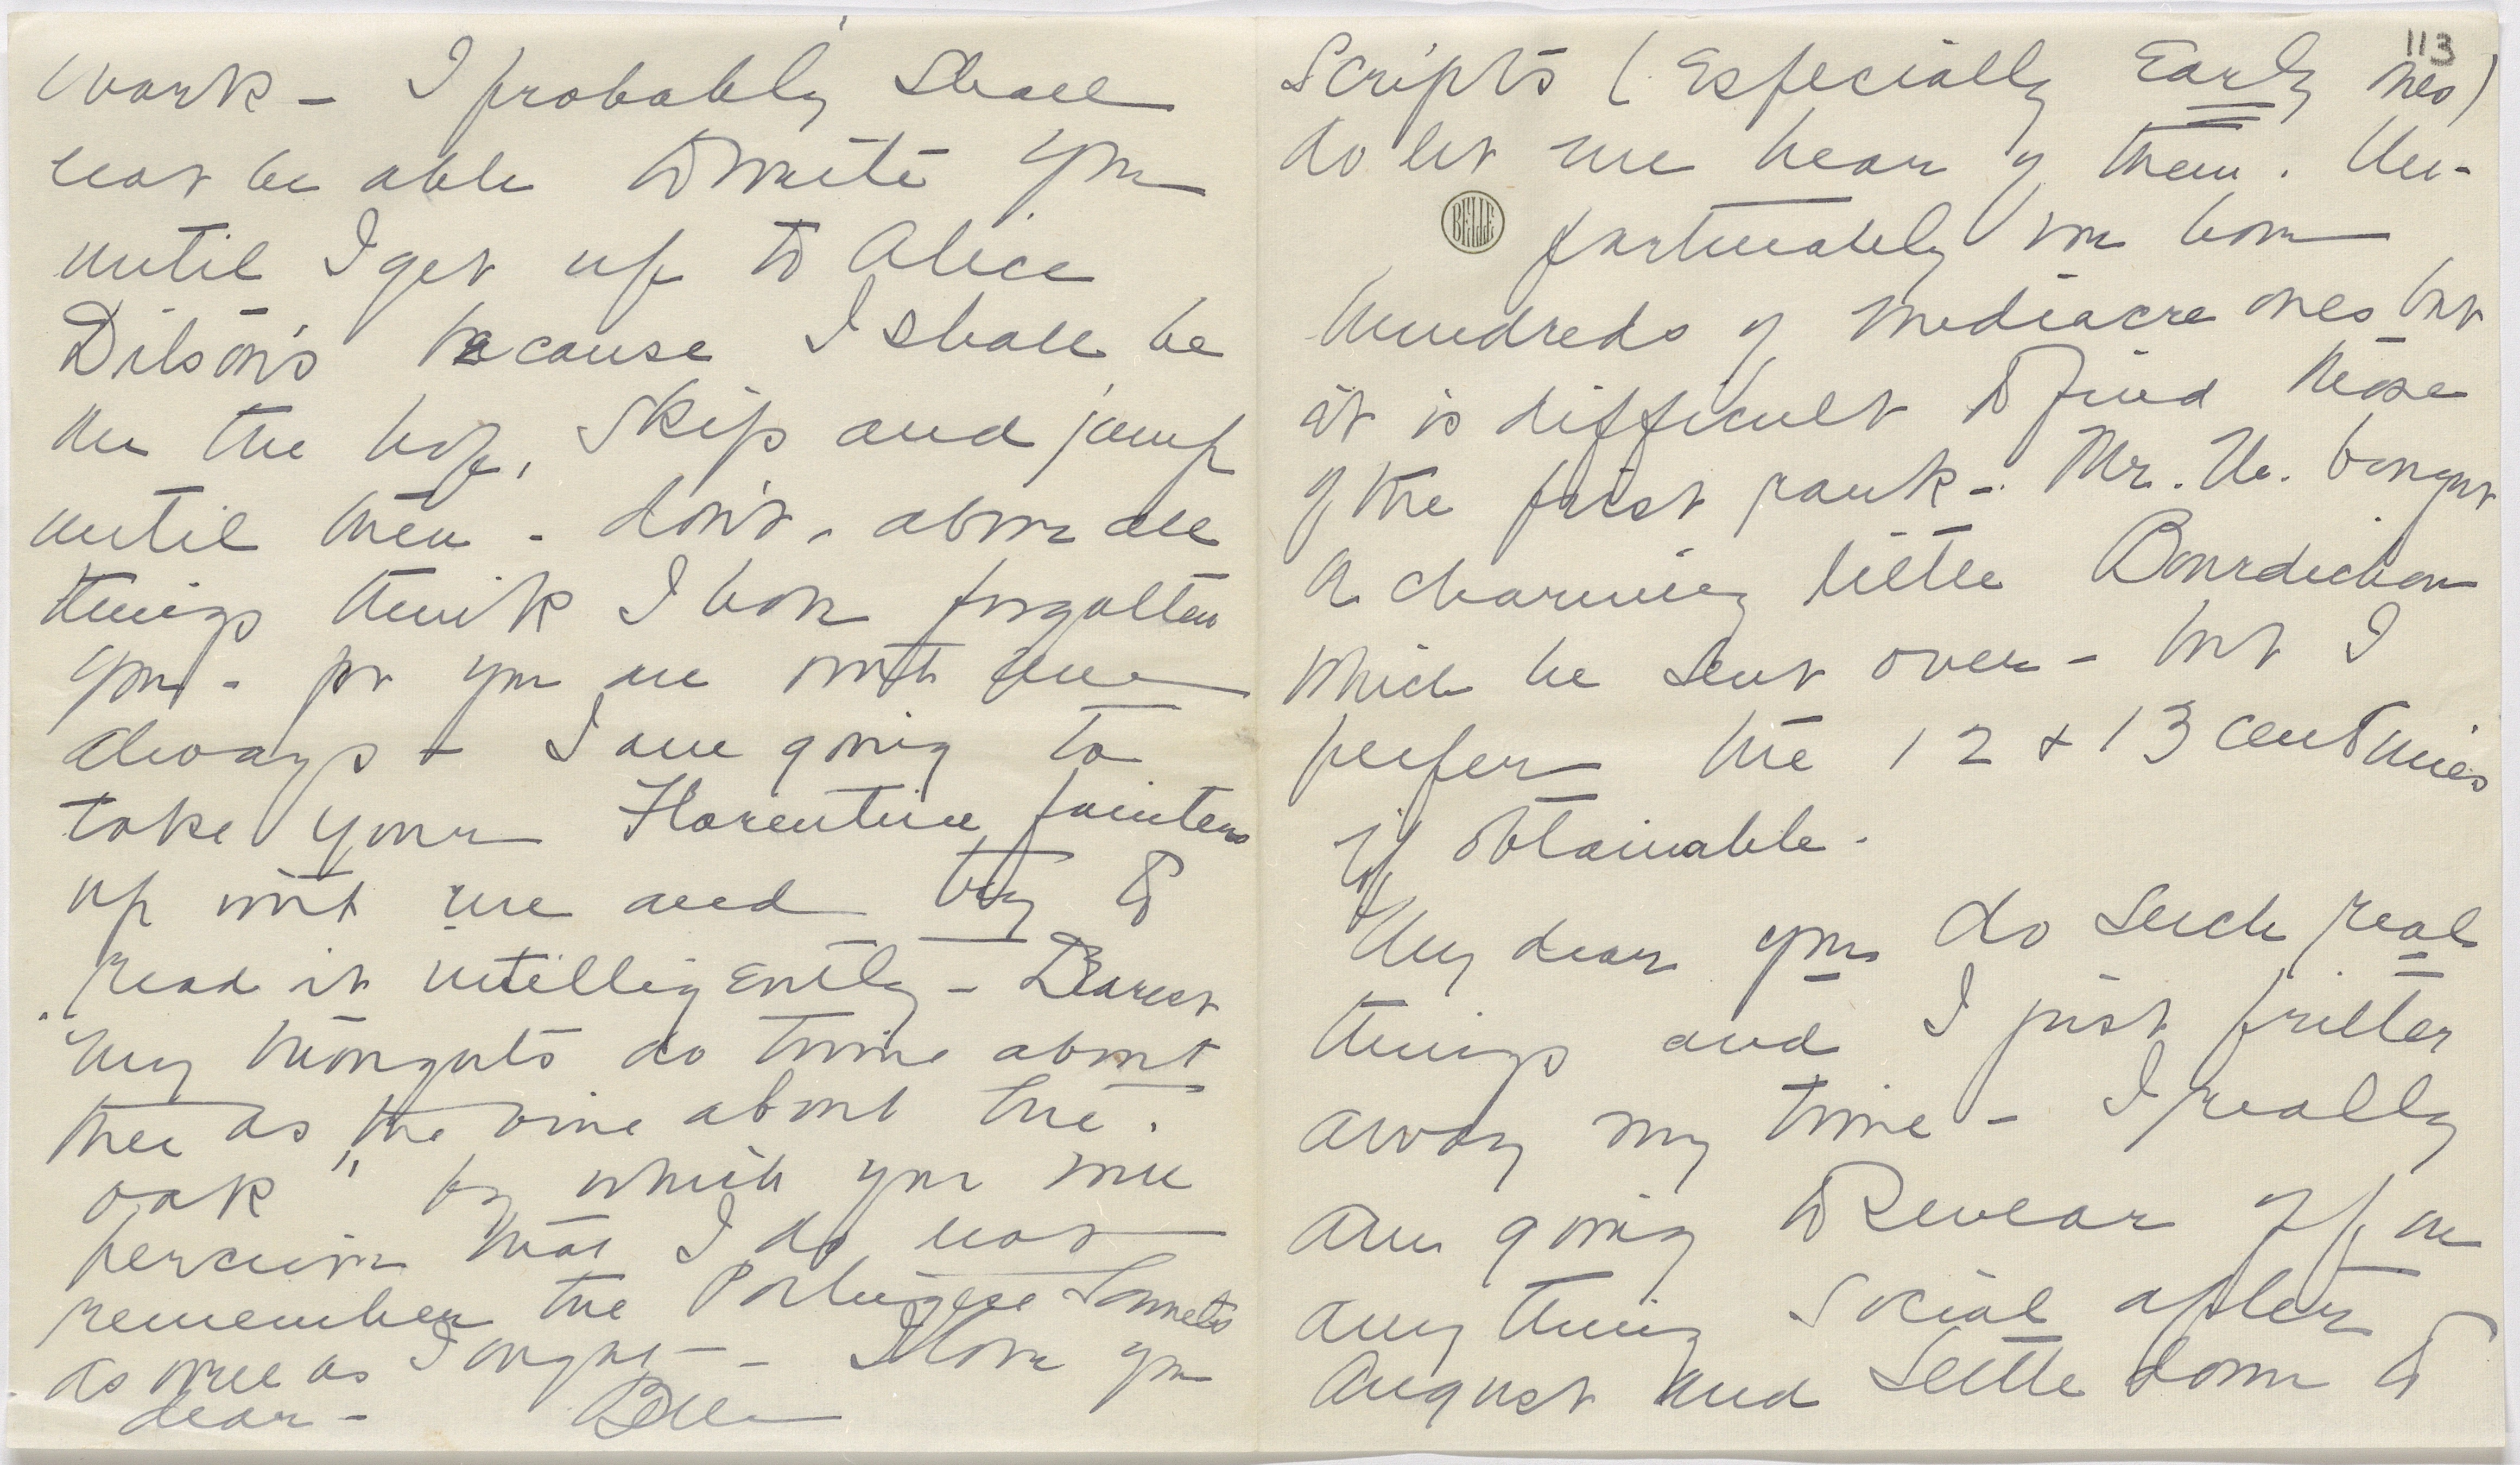(especially [double underlined: early] mss) do let me hear of them. Unfortunately we have hundreds of mediocre ones but it is difficult to find those of the first rank – Mr. M. bought a charming little Bourdichon which he sent over – but I prefer the 12 & 13 centuries if obtainable.
My dear you do such real things and I just fritter away my time – I really am going to swear off any thing social after August and settle down to
work – I probably shall not be able to write you until I get up to Alice Ditson’s because I shall be on the hop, skip and jump until then – don’t – above all things think I have forgotten you – for you are with me always – I am going to take your Florentine painters up with me and try to read it intelligently – Dearest “my thoughts do turn about thee as the vine about the oak” by which you will perceive that I do not remember the Portugese [sic] Sonnets as well as I ought – I love you dear – Belle